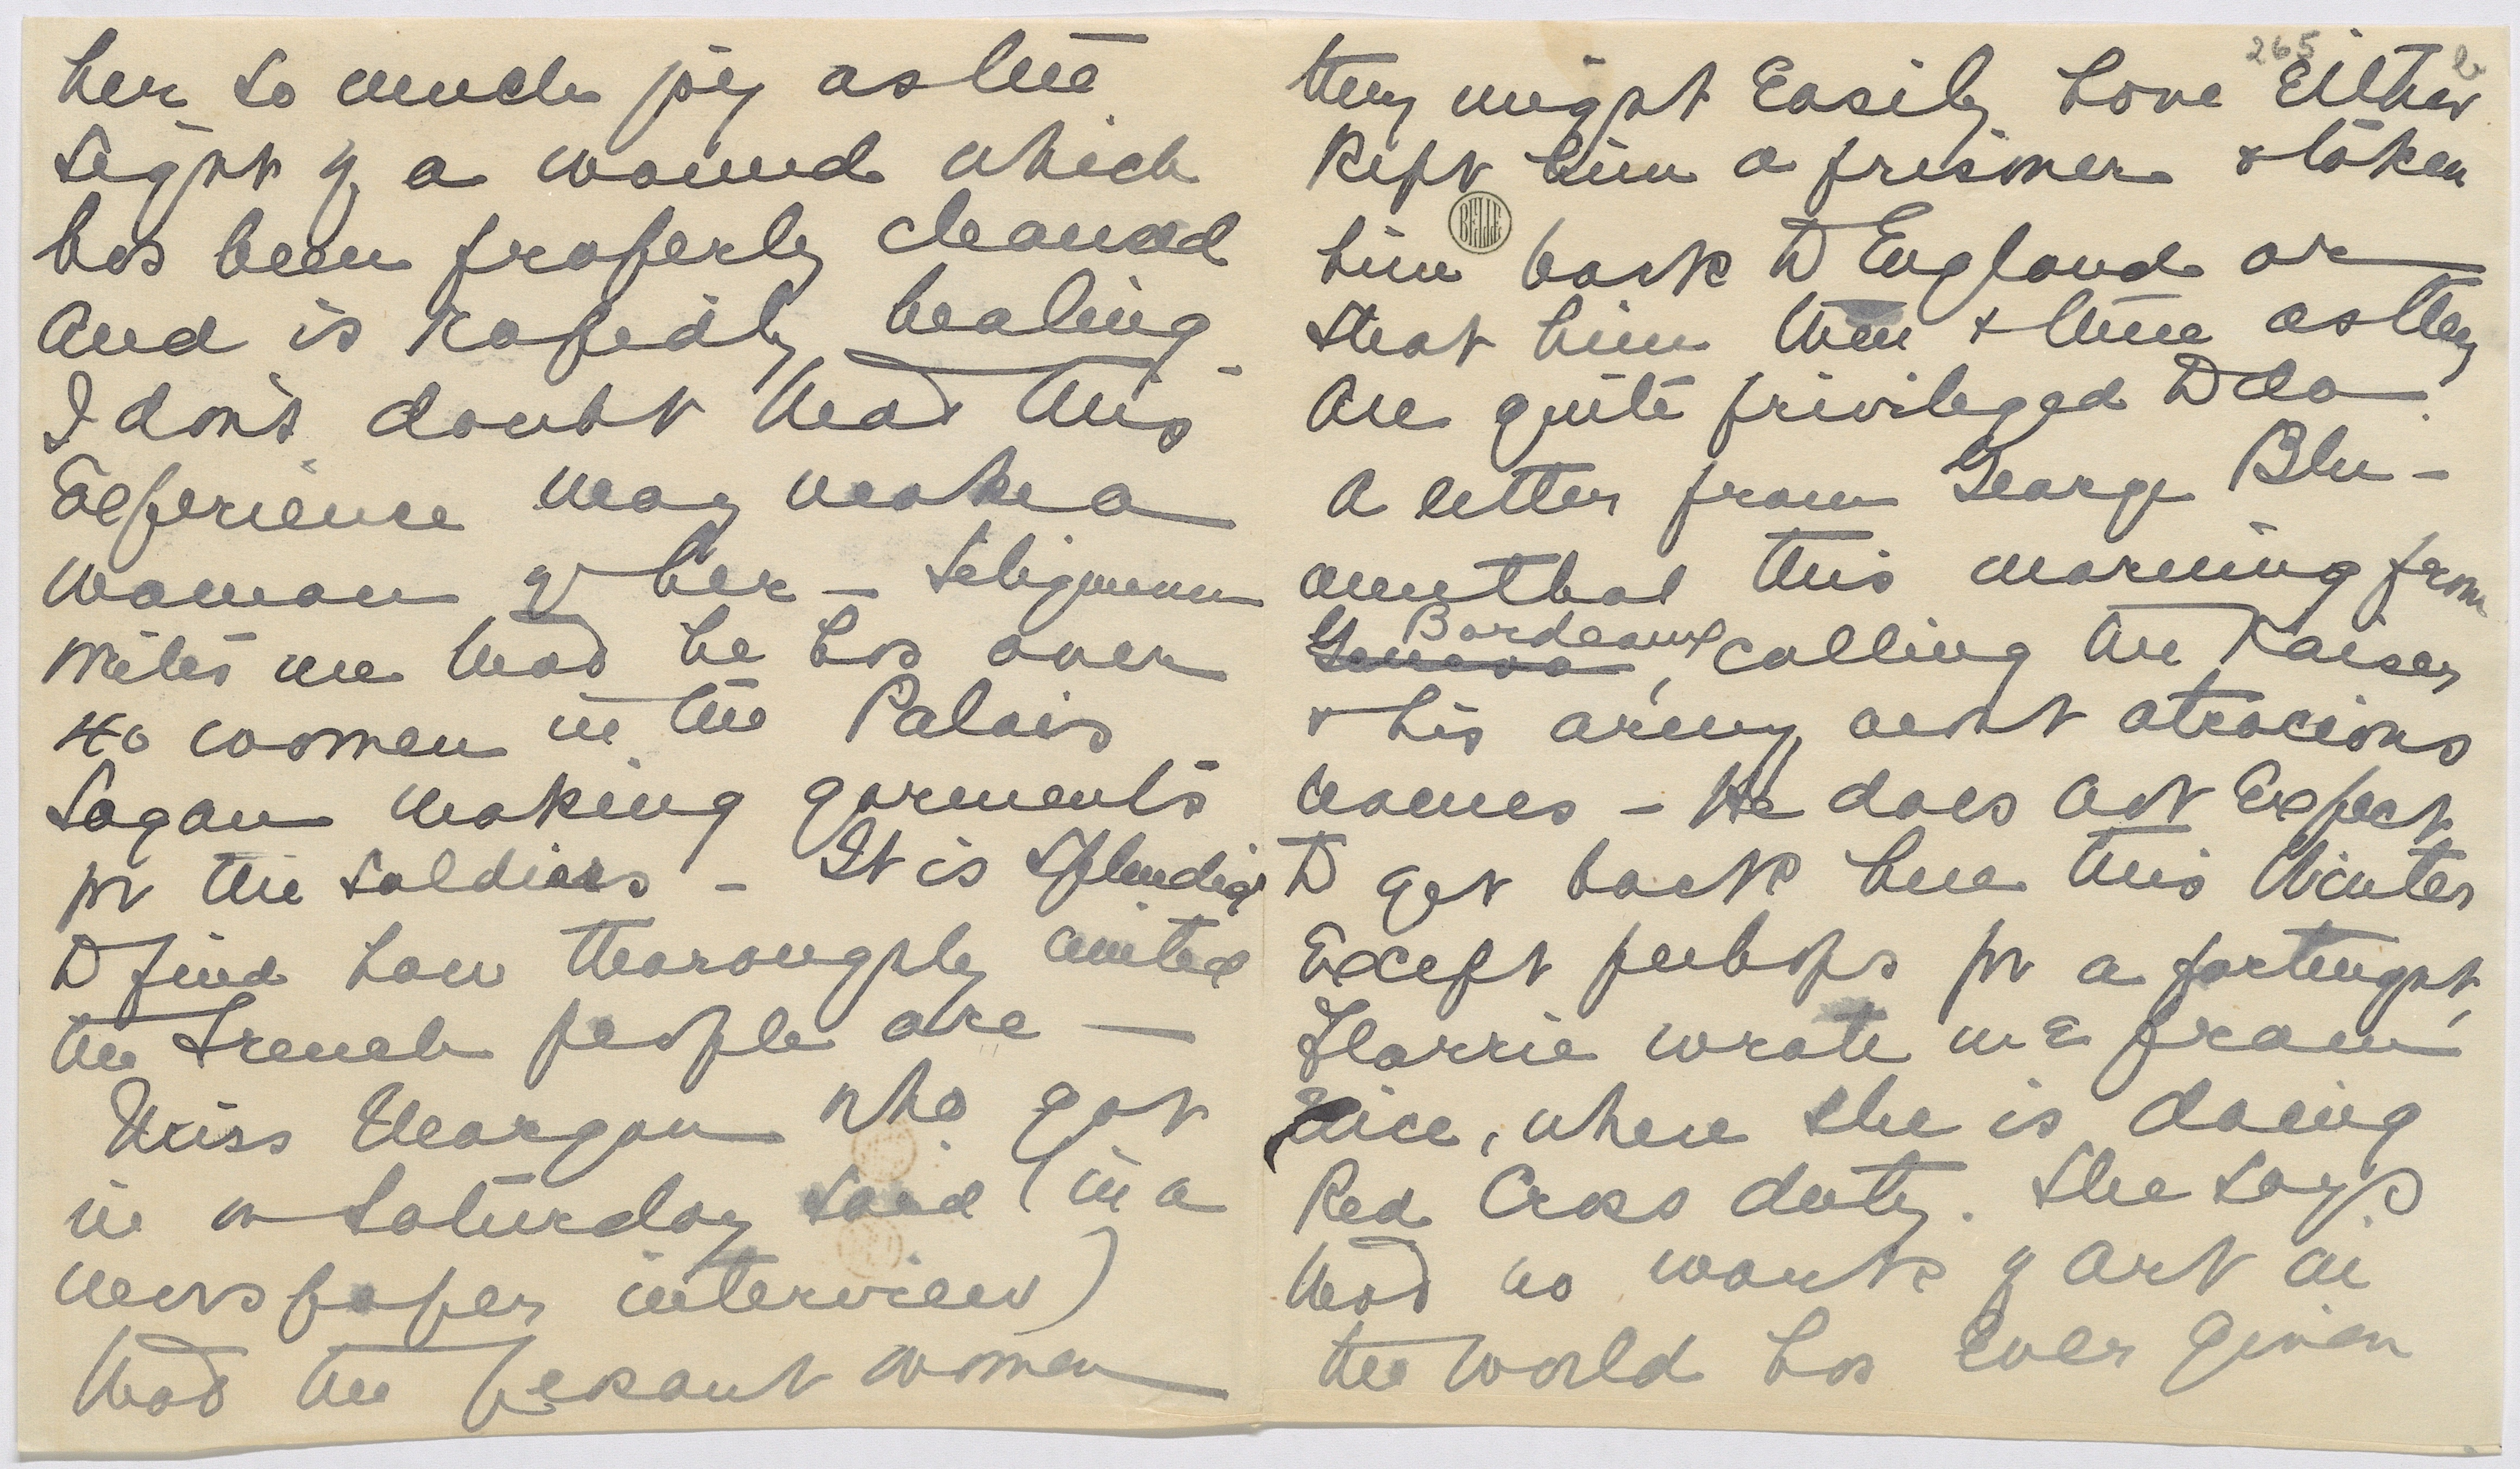they might easily have either kept him a prisoner & taken him back to England or shot him then & there as they are quite privileged to do. A letter from George Blumenthal this morning from Geneva [^Bordeaux^], calling the Kaiser & his army most atrocious names – He does not expect to get back here this Winter except perhaps for a fortnight, Florrie wrote me from Nice, where she is doing Red Cross duty. She says that no work of art in the world has ever given
her so much joy as the sight of a wound which has been properly cleaned and is rapidly healing –
I don’t doubt that this experience may make a woman of her – Seligmann writes me that he has over 40 women in the Palais Logan making garments for the soldiers – It is splendid to find how thoroughly united the French people are –
Miss Morgan who got in on Saturday said (in a newspaper interview) that the peasant women